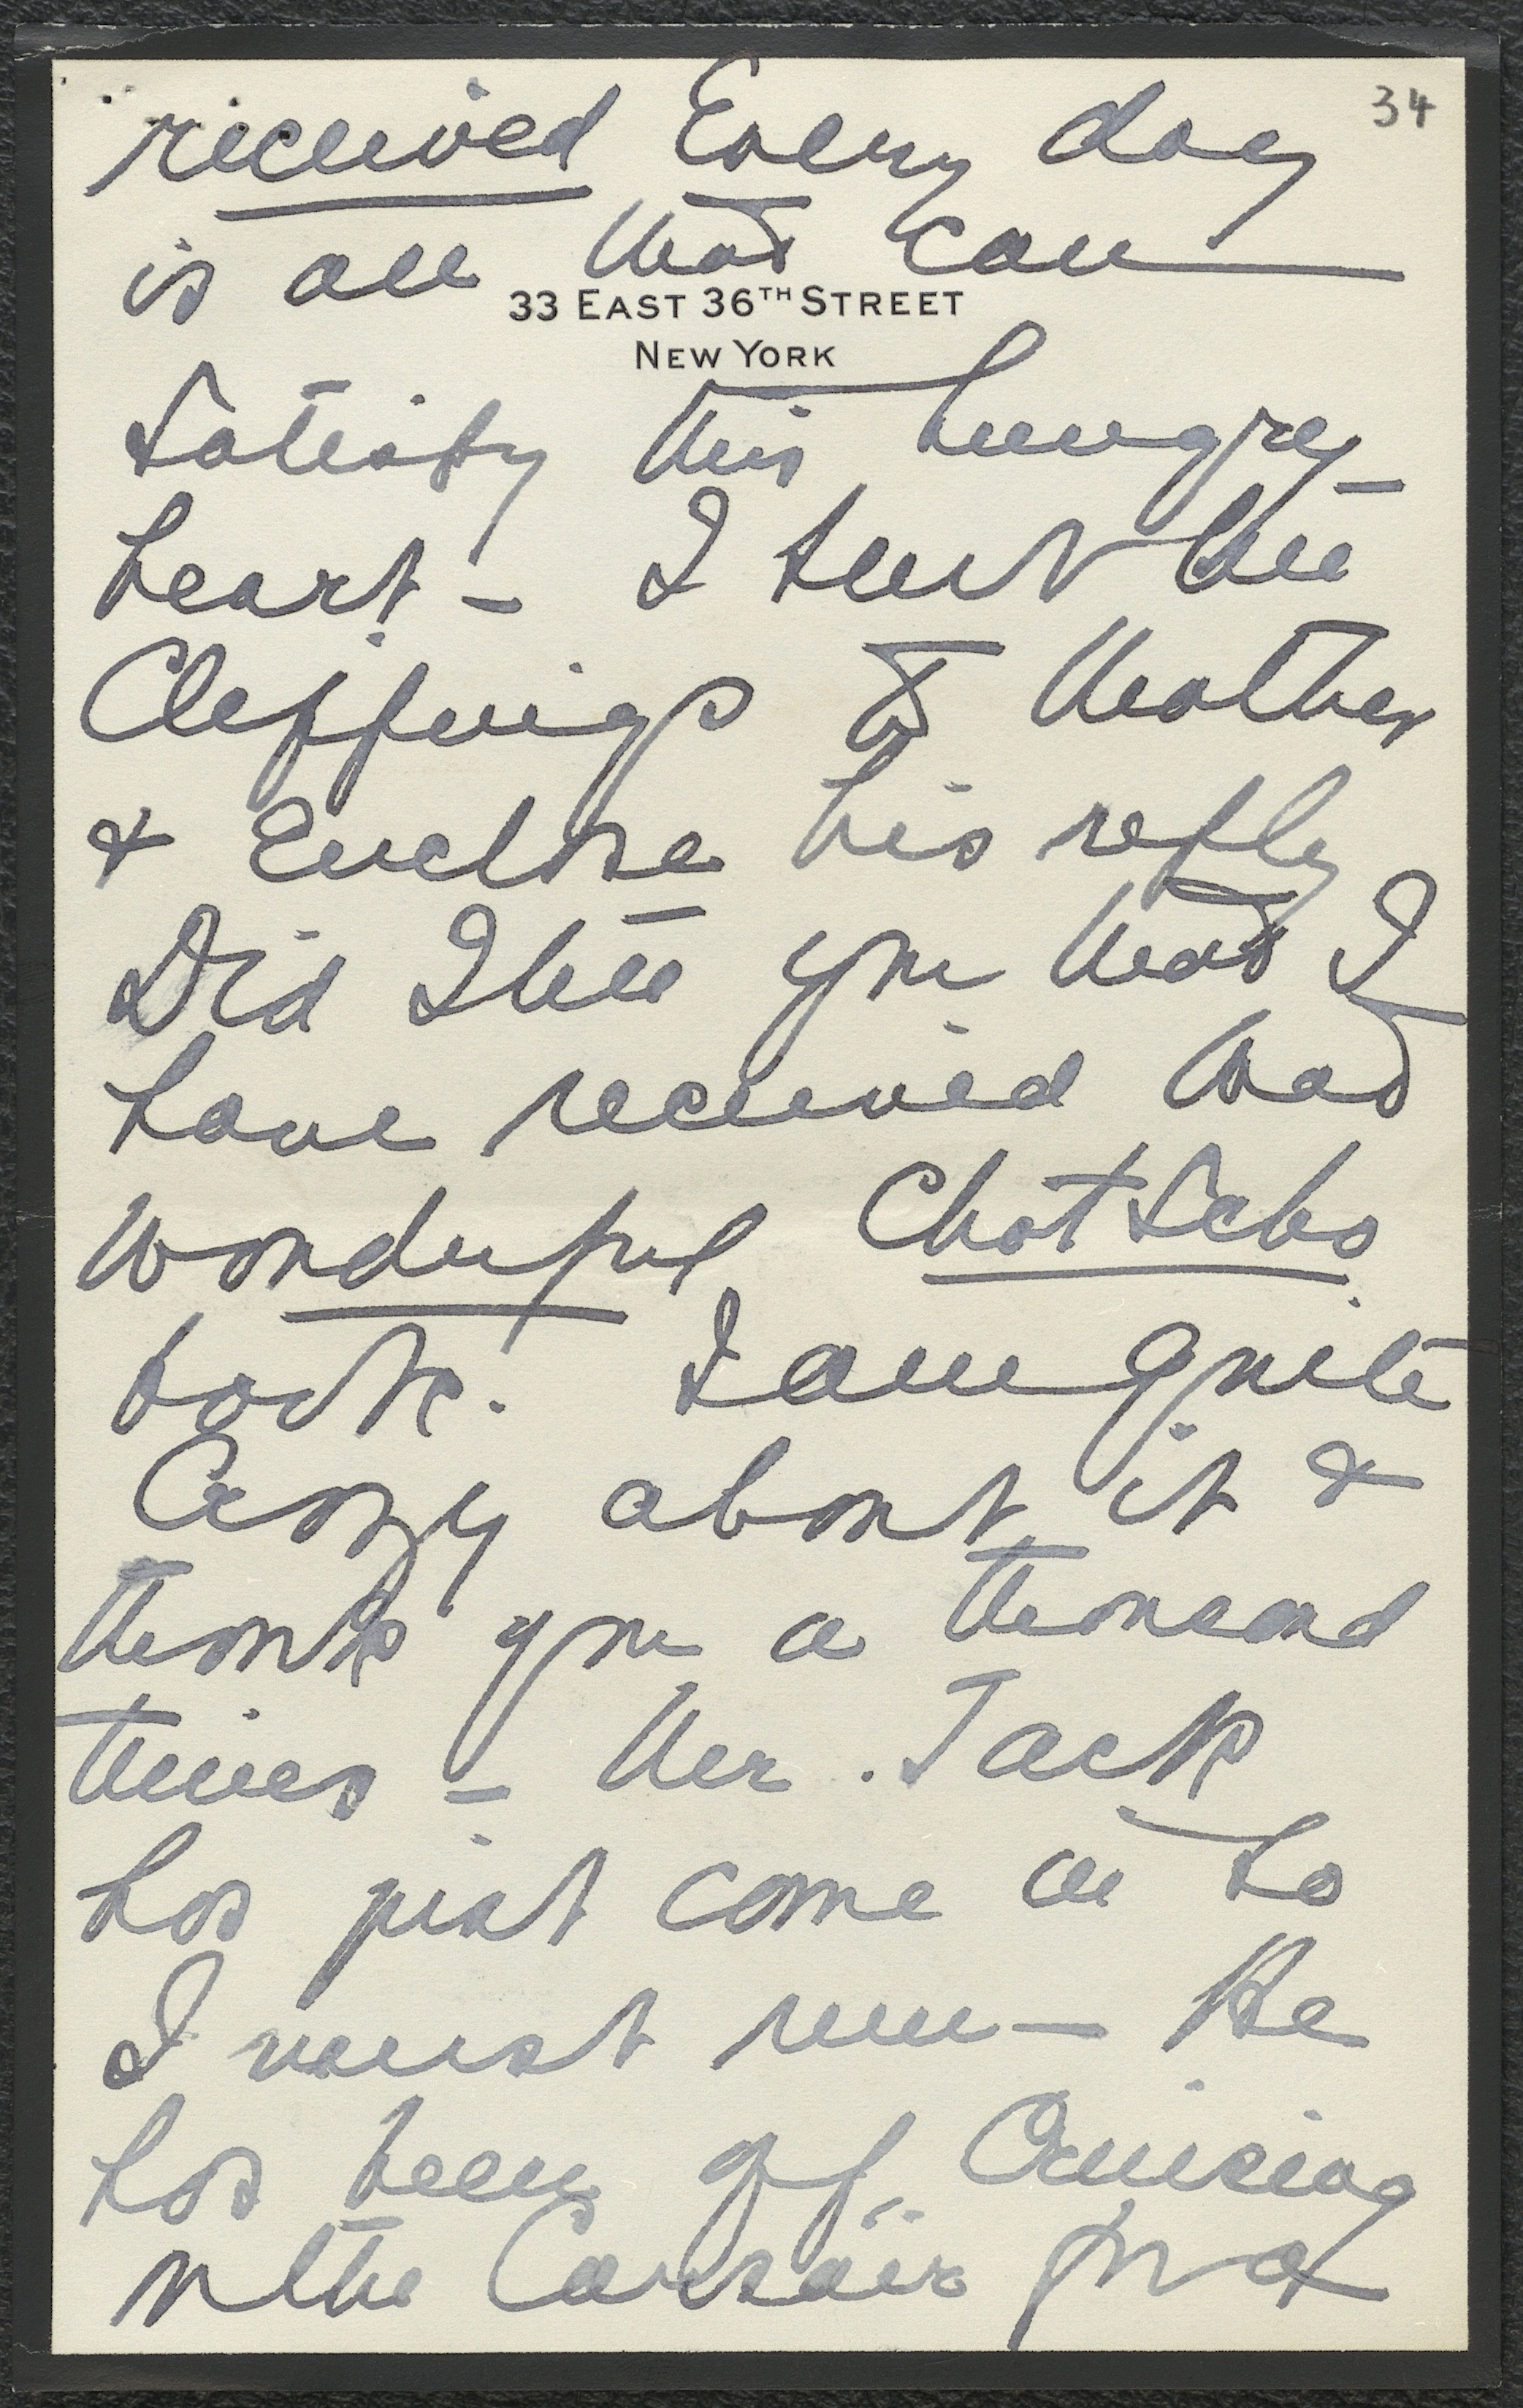received every day is all that can satisfy this hungry heart – I sent the clipping to mother & enclose his reply
Did I tell you that I have received that wonderful Chatscho book. I am quite crazy about it & thank you a thousand times – Mr. Jack has just come in so I must run – He has been off cruising on the Corsair for a